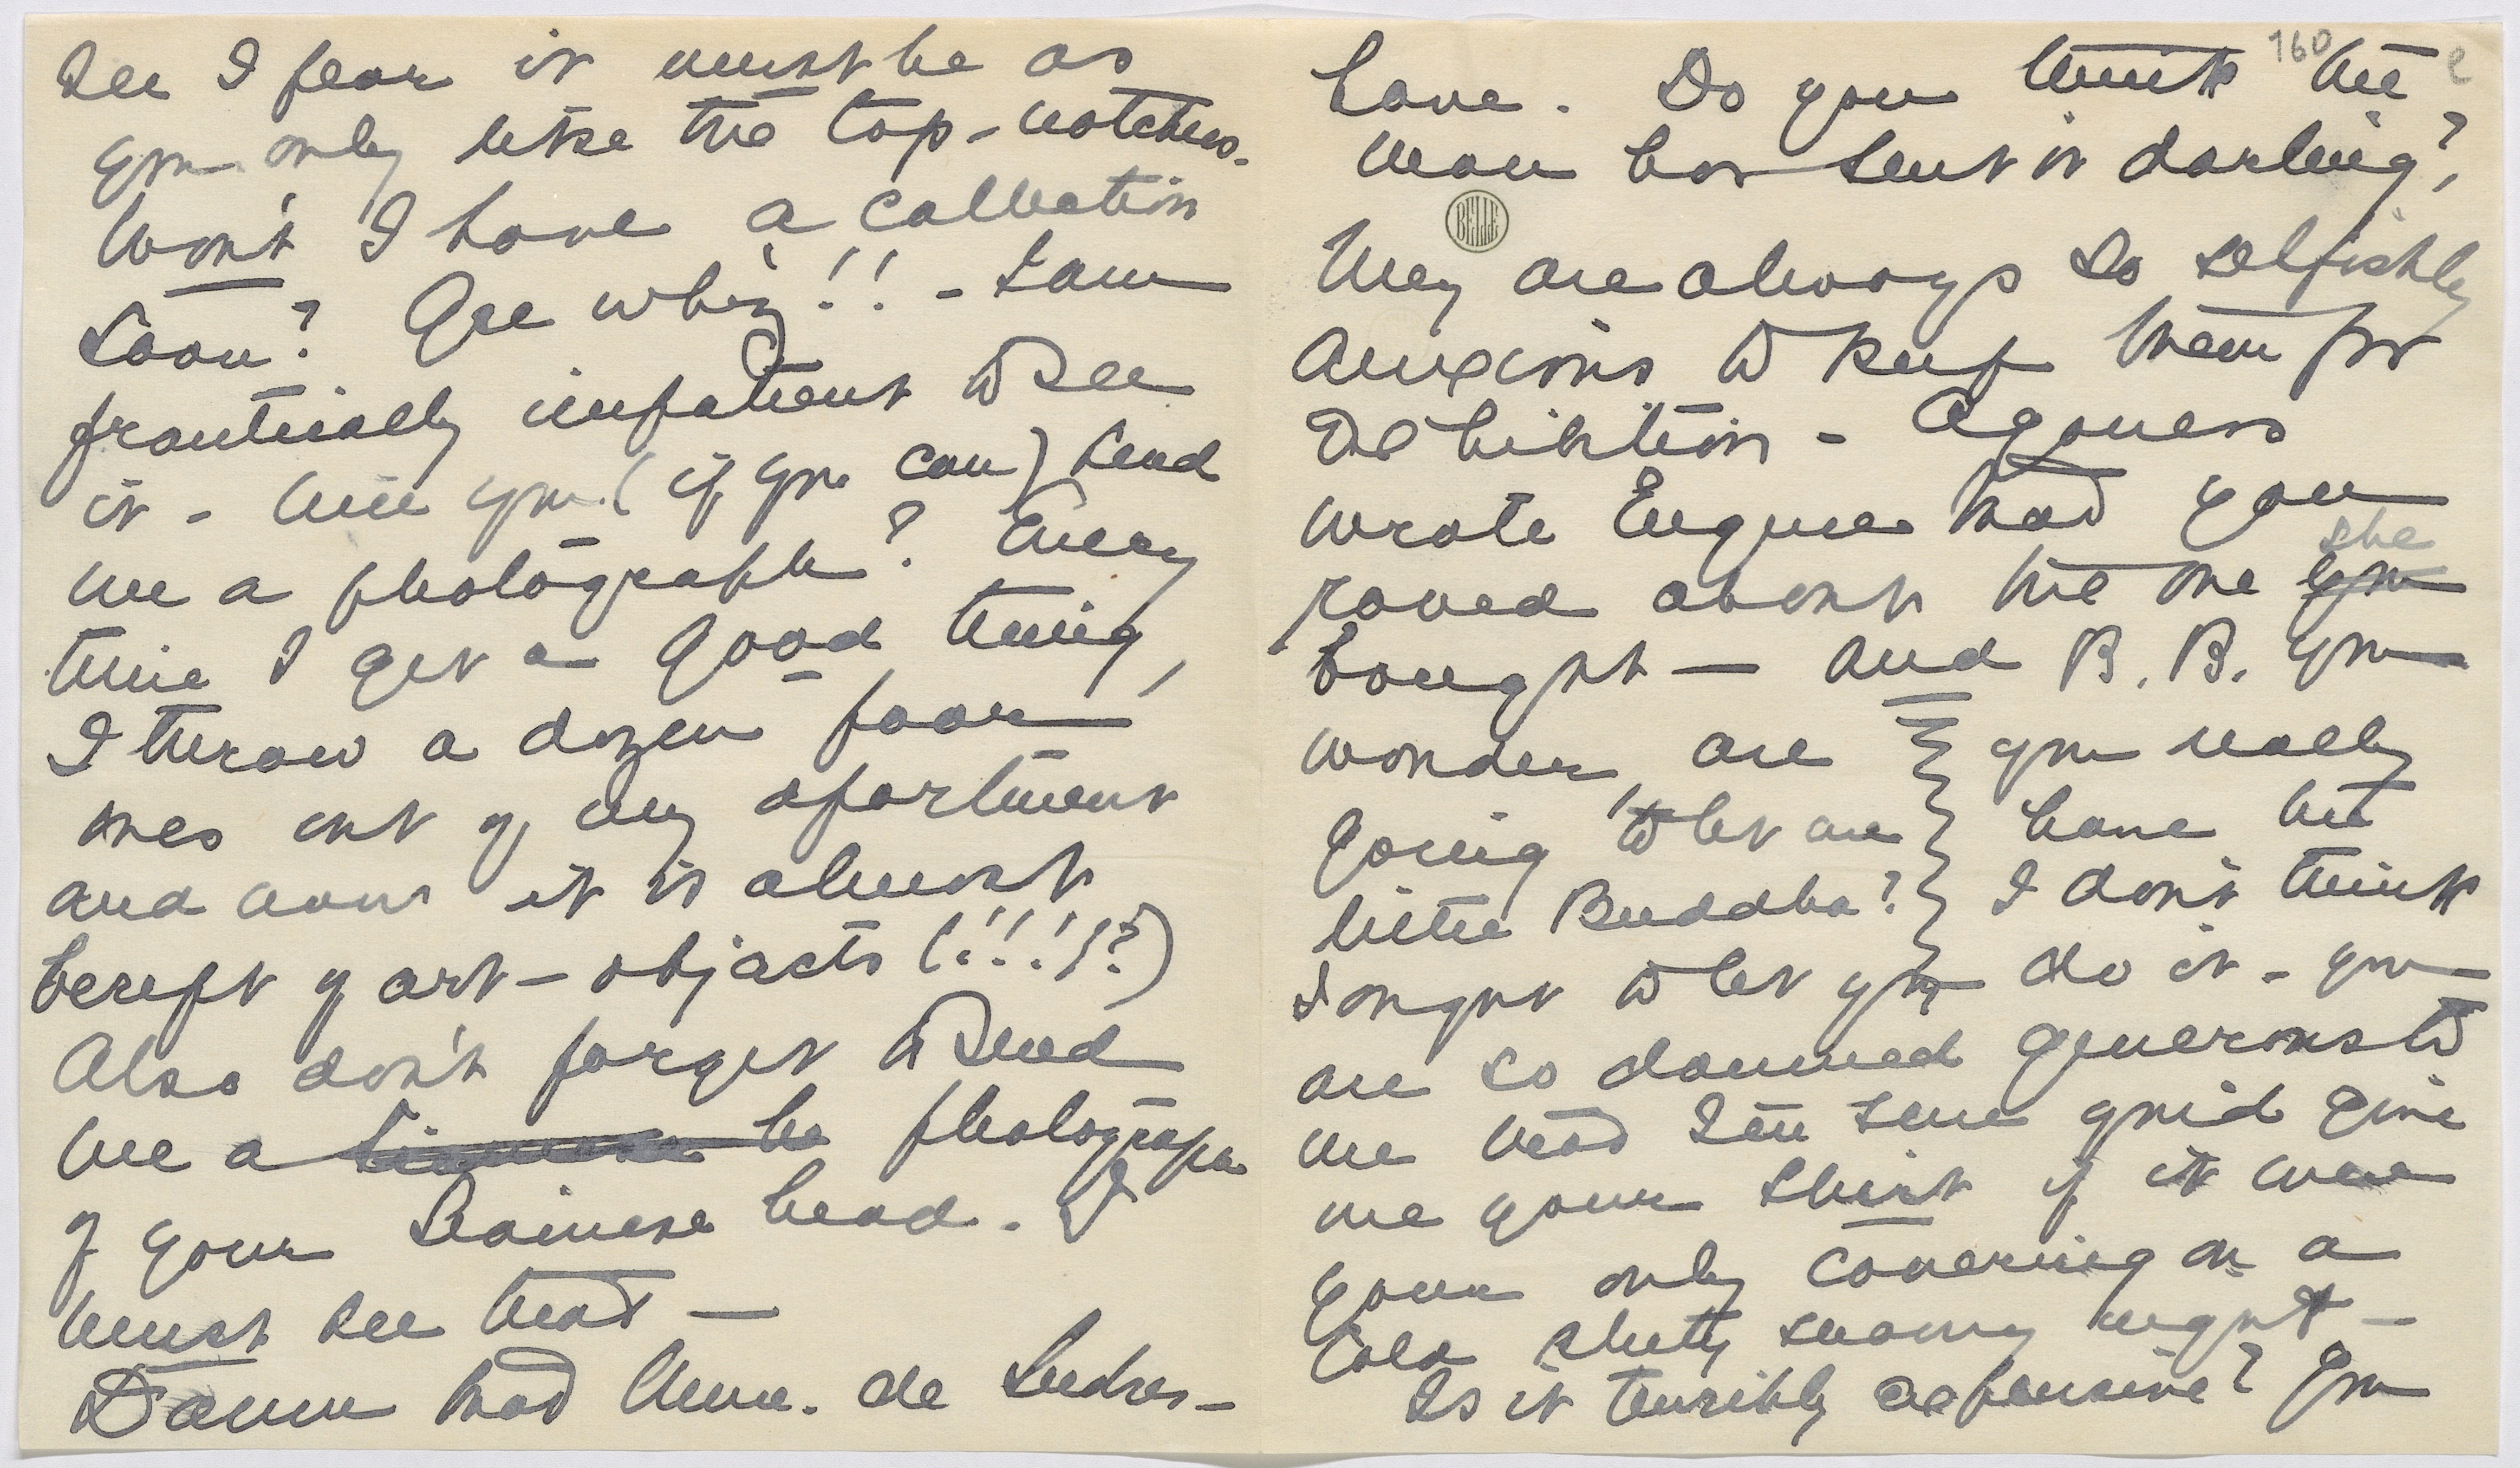have. Do you think the man has sent it darling? They are always so selfishly anxious to keep them for exhibition – Agoness wrote Eugene that you raved about the one you [^she^] bought – [noncuple underlined: and] B. B. you wonder are you really going to let me have the little Buddha? I don’t think I ought to let you do it – you are so damned generous to me that I’m sure you’d give me your shirt if it were your only covering on a cold sleety snowy night –
Is it terribly expensive? You
see I fear it must be as you only like the top-notches. Won’t I have a collection soon? Gee whiz!! – I am frantically impatient to see it – will you (if you can) send me a photograph? Every time I get a good thing, I throw a dozen poor ones out of my apartment and now it is almost bereft of art-objects (!!!!?) Also don’t forget to send me a Siamese he photograph of your Siamese head. I must see that –
Damn that Mme. de Ludres –